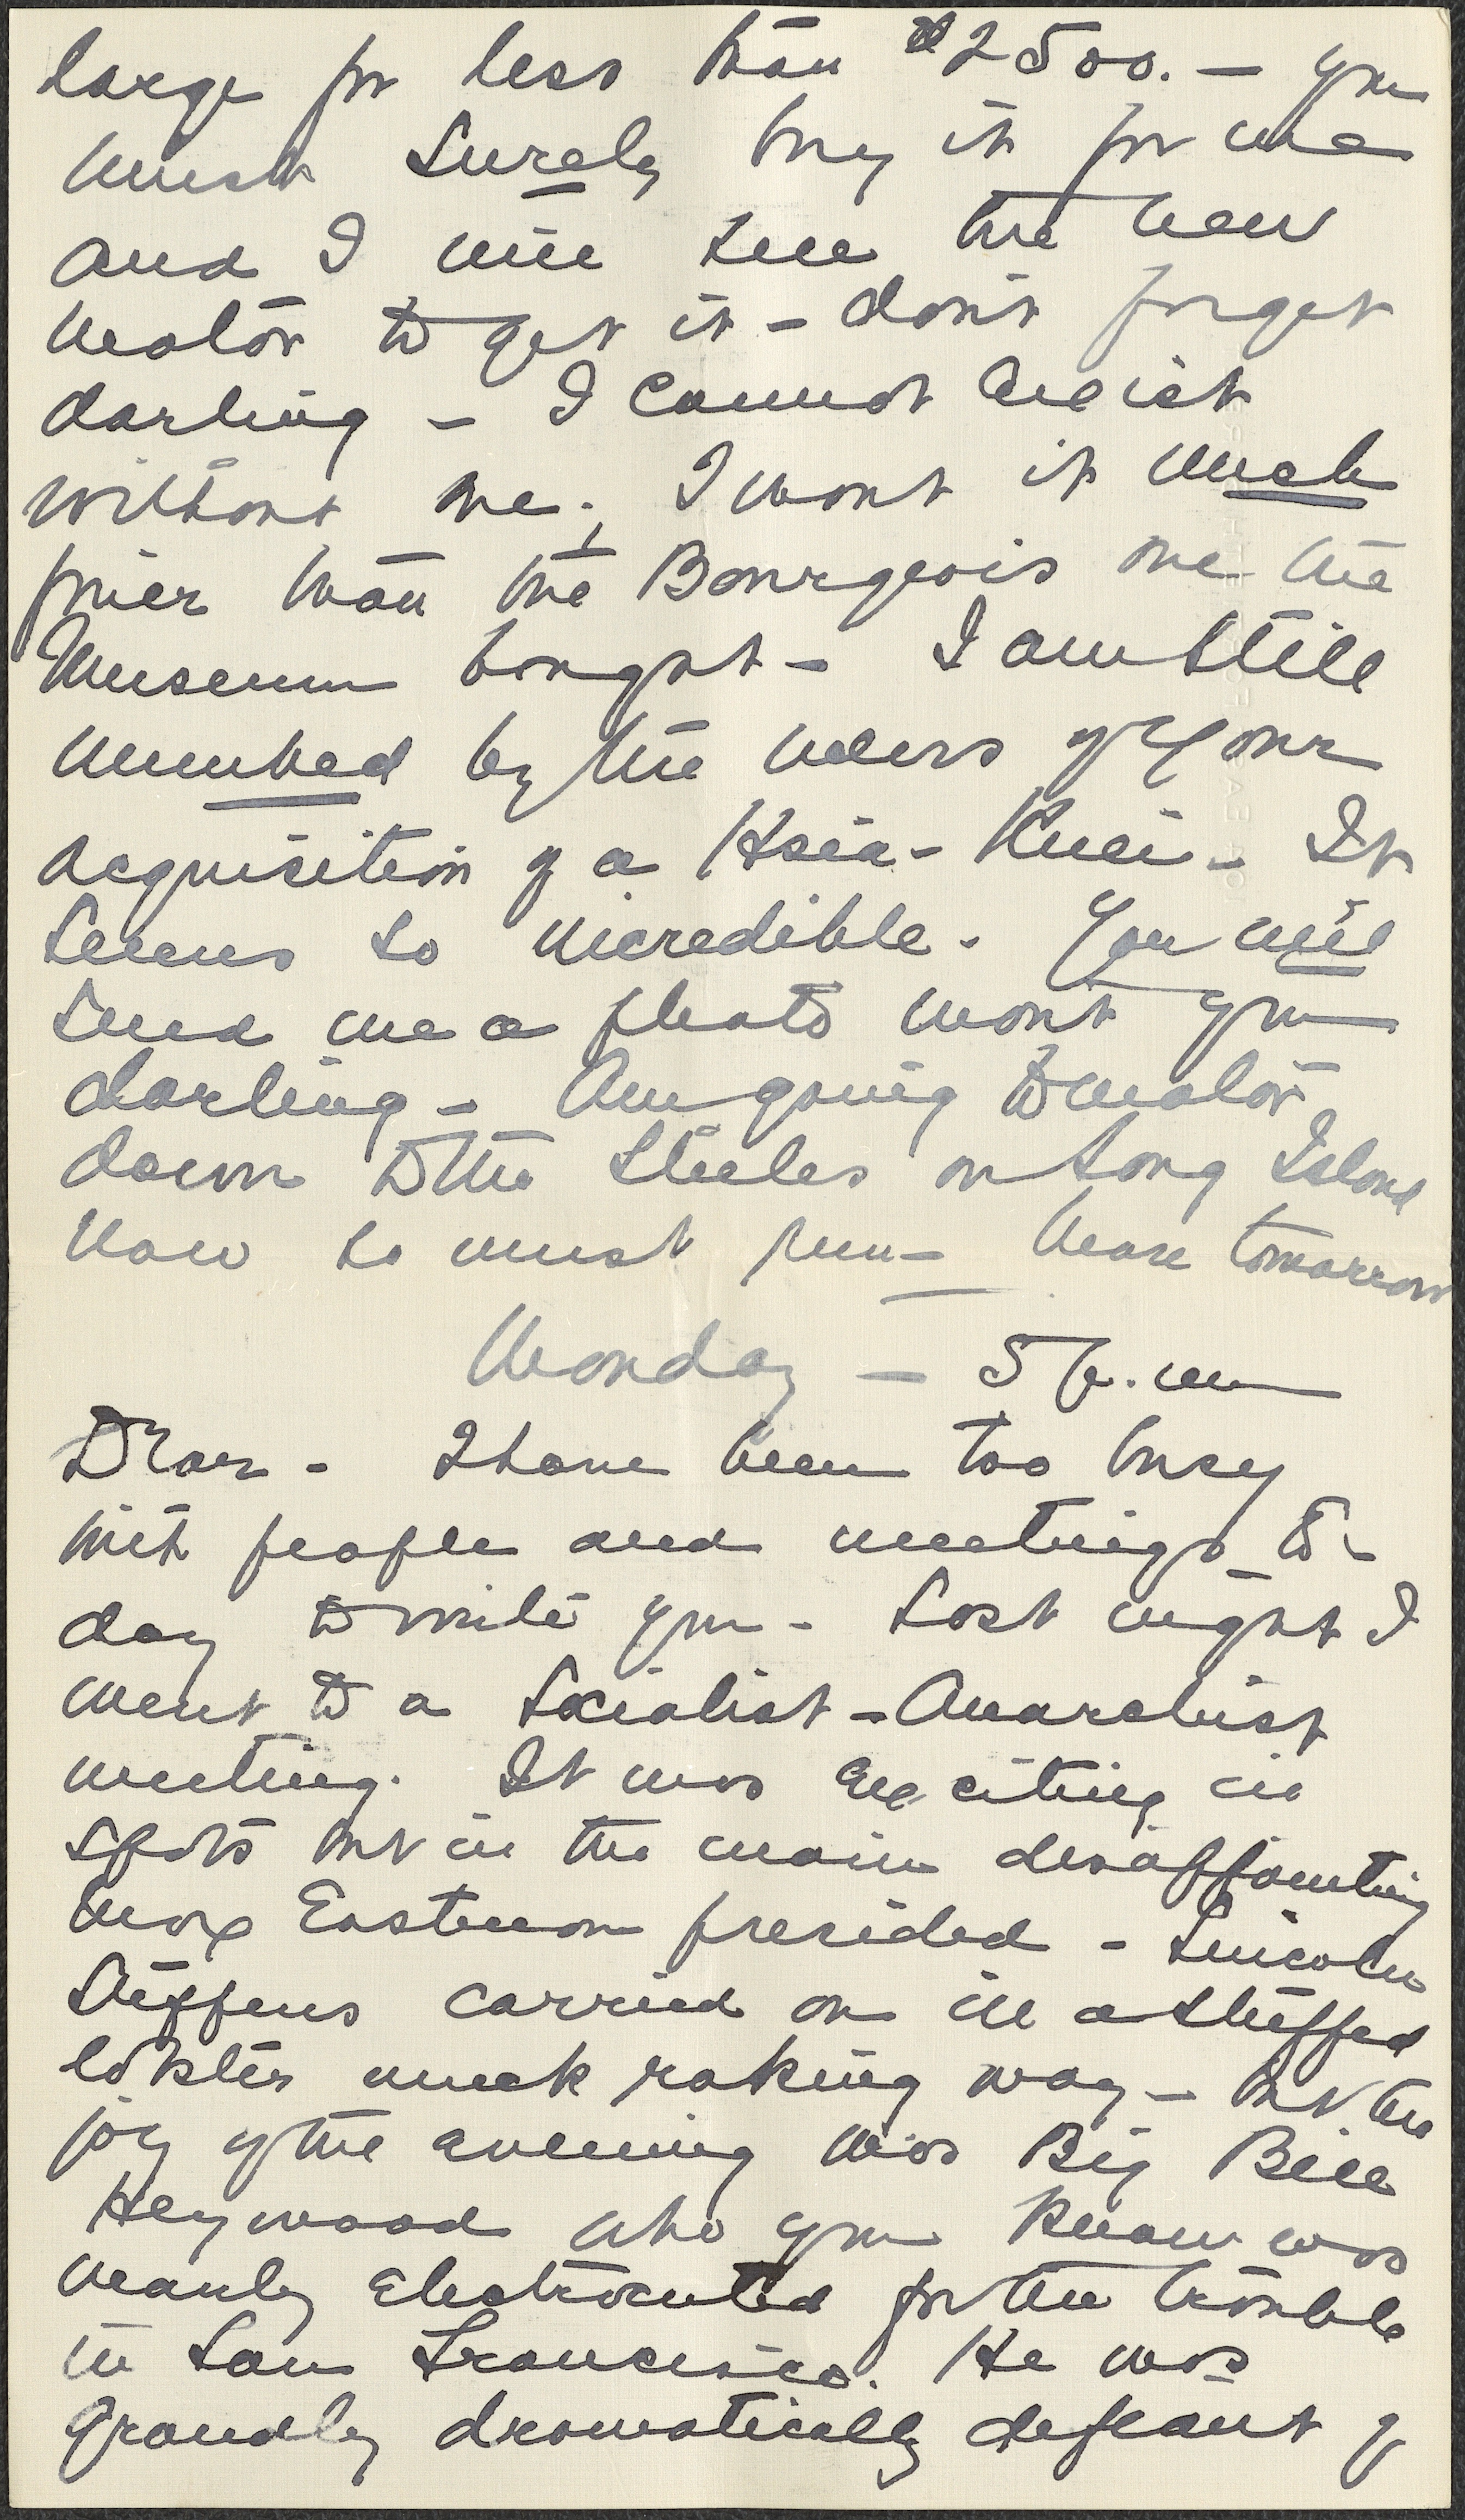large for less than $2500. – you must surely buy it for me and I will sell the new motor to get it – don’t forget darling – I cannot exist without one. I want it much finer than the Bourgeois one the Museum bought – I am still numbed by the news of your acquisition of a Hsia-Kuei – It seems so incredible – You will send me a photo won’t you darling – Am going to motor down to the Steeles on Long Island now so must run – More tomorrow
Monday – 5 p.m. –
Dear – I have been too busy with people and meetings today to write you – Last night I went to a Socialist-Anarchist meeting. It was exciting in spots but in the main disappointing Max Eastman presided – Lincoln Steffens carried on in a stuffed lobster muck raking way – but the joy of the evening was Big Bill Heywood [sic] who you know was nearly electrocuted for the trouble in San Francisco. He was grandly dramatically defiant of